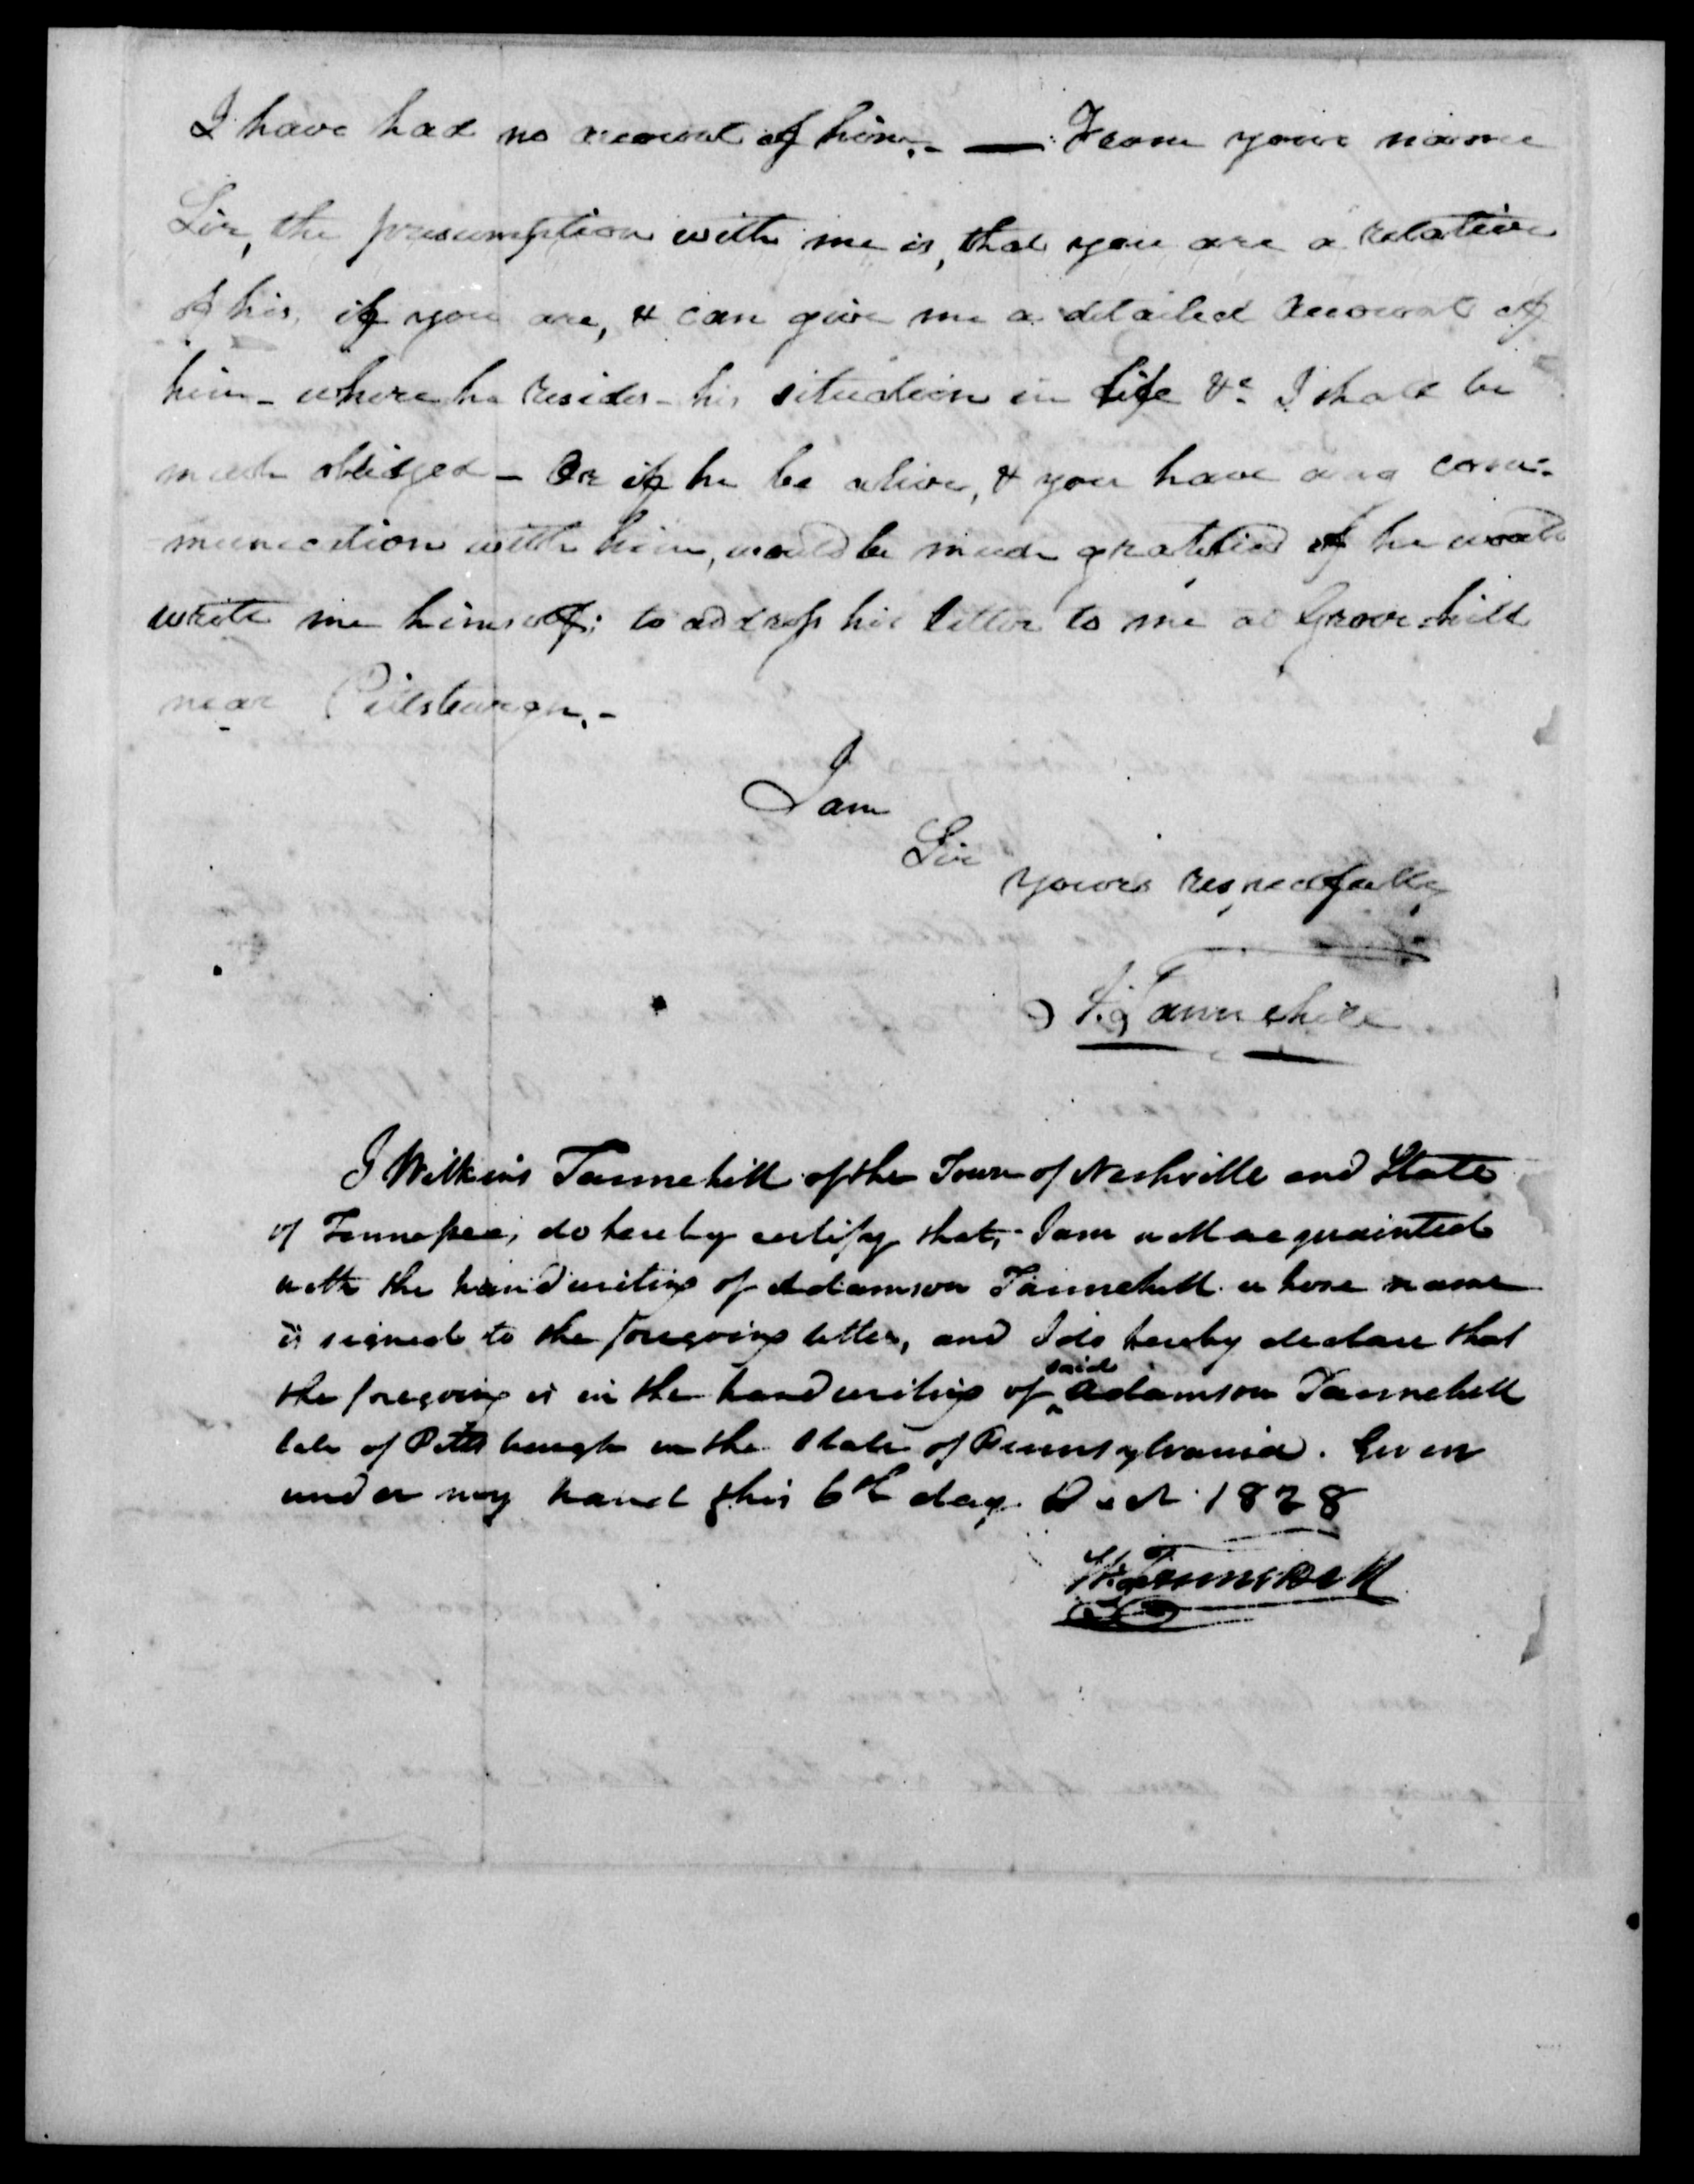I have had no account of him - From your name sir, the presumption with me is, that you are a relative of his, if you are, & can give me a detailed account of him - where he resides - his situation in life &c. I shall be much obliged - or if he be alive, & you have any communication with him, would be much gratified if he were to
write me himself; to address his letter to me at Grovehill near Pittsburgh. -
I am Sir
Yours respectfully,
A. Tannehill

I Wilkins Tannehill of the Town of Nashville and State of Tennessee, do hereby certify that I am well acquainted with the handwriting of Adamson Tannehill whose name is signed to the foregoing letter, and I do hereby declare that the foregoing is in the handwriting of said Adamson Tannehill late of Pittsburgh in the State of Pennsylvania. Given under my hand this 6th day Decr. 1828
W. Tannehill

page: 4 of 32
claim: survivor's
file: S. 16,526, for Basil Shaw, Maryland